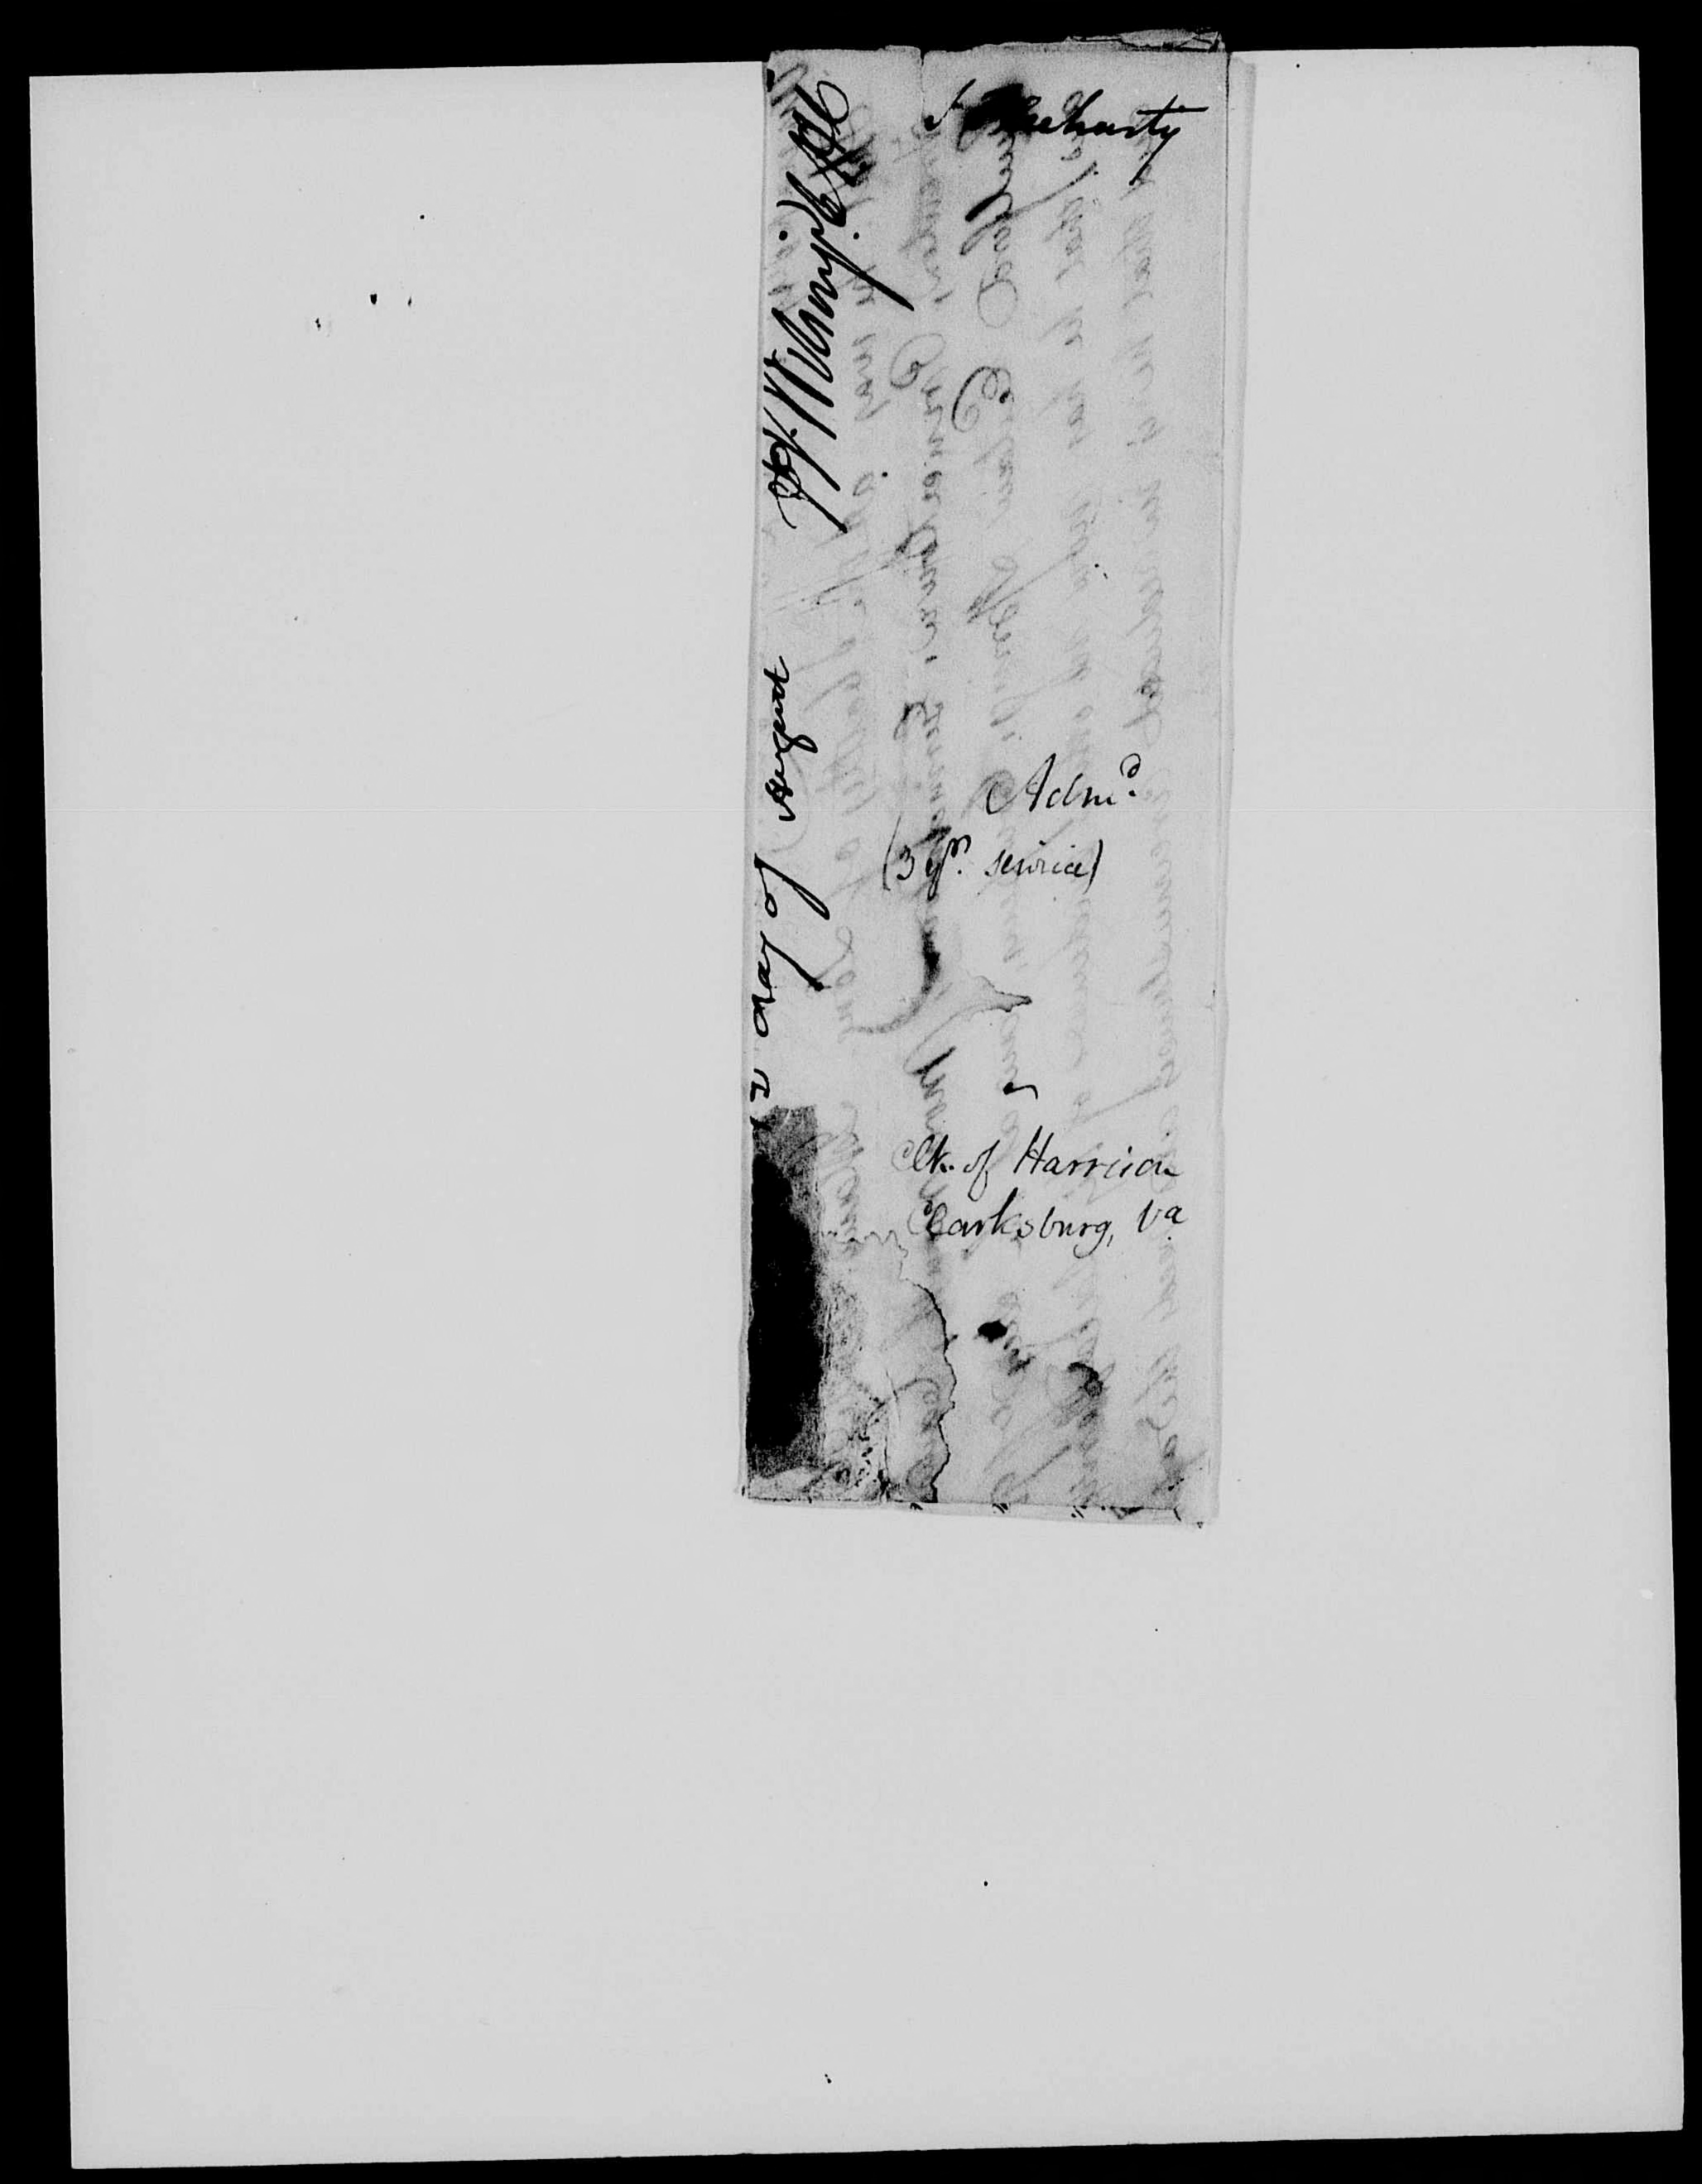Fleeharty
Admd [admitted]
(3 yr service)
Clerk of Harrison 
Clarksburg Virginia.
2 day of  August J. Wilson C. H. C.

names: Harrison, J Fleeharty, J Wilson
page: 3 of 14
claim: survivor's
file: S. 39529, Stephen Fleeharty, Md.